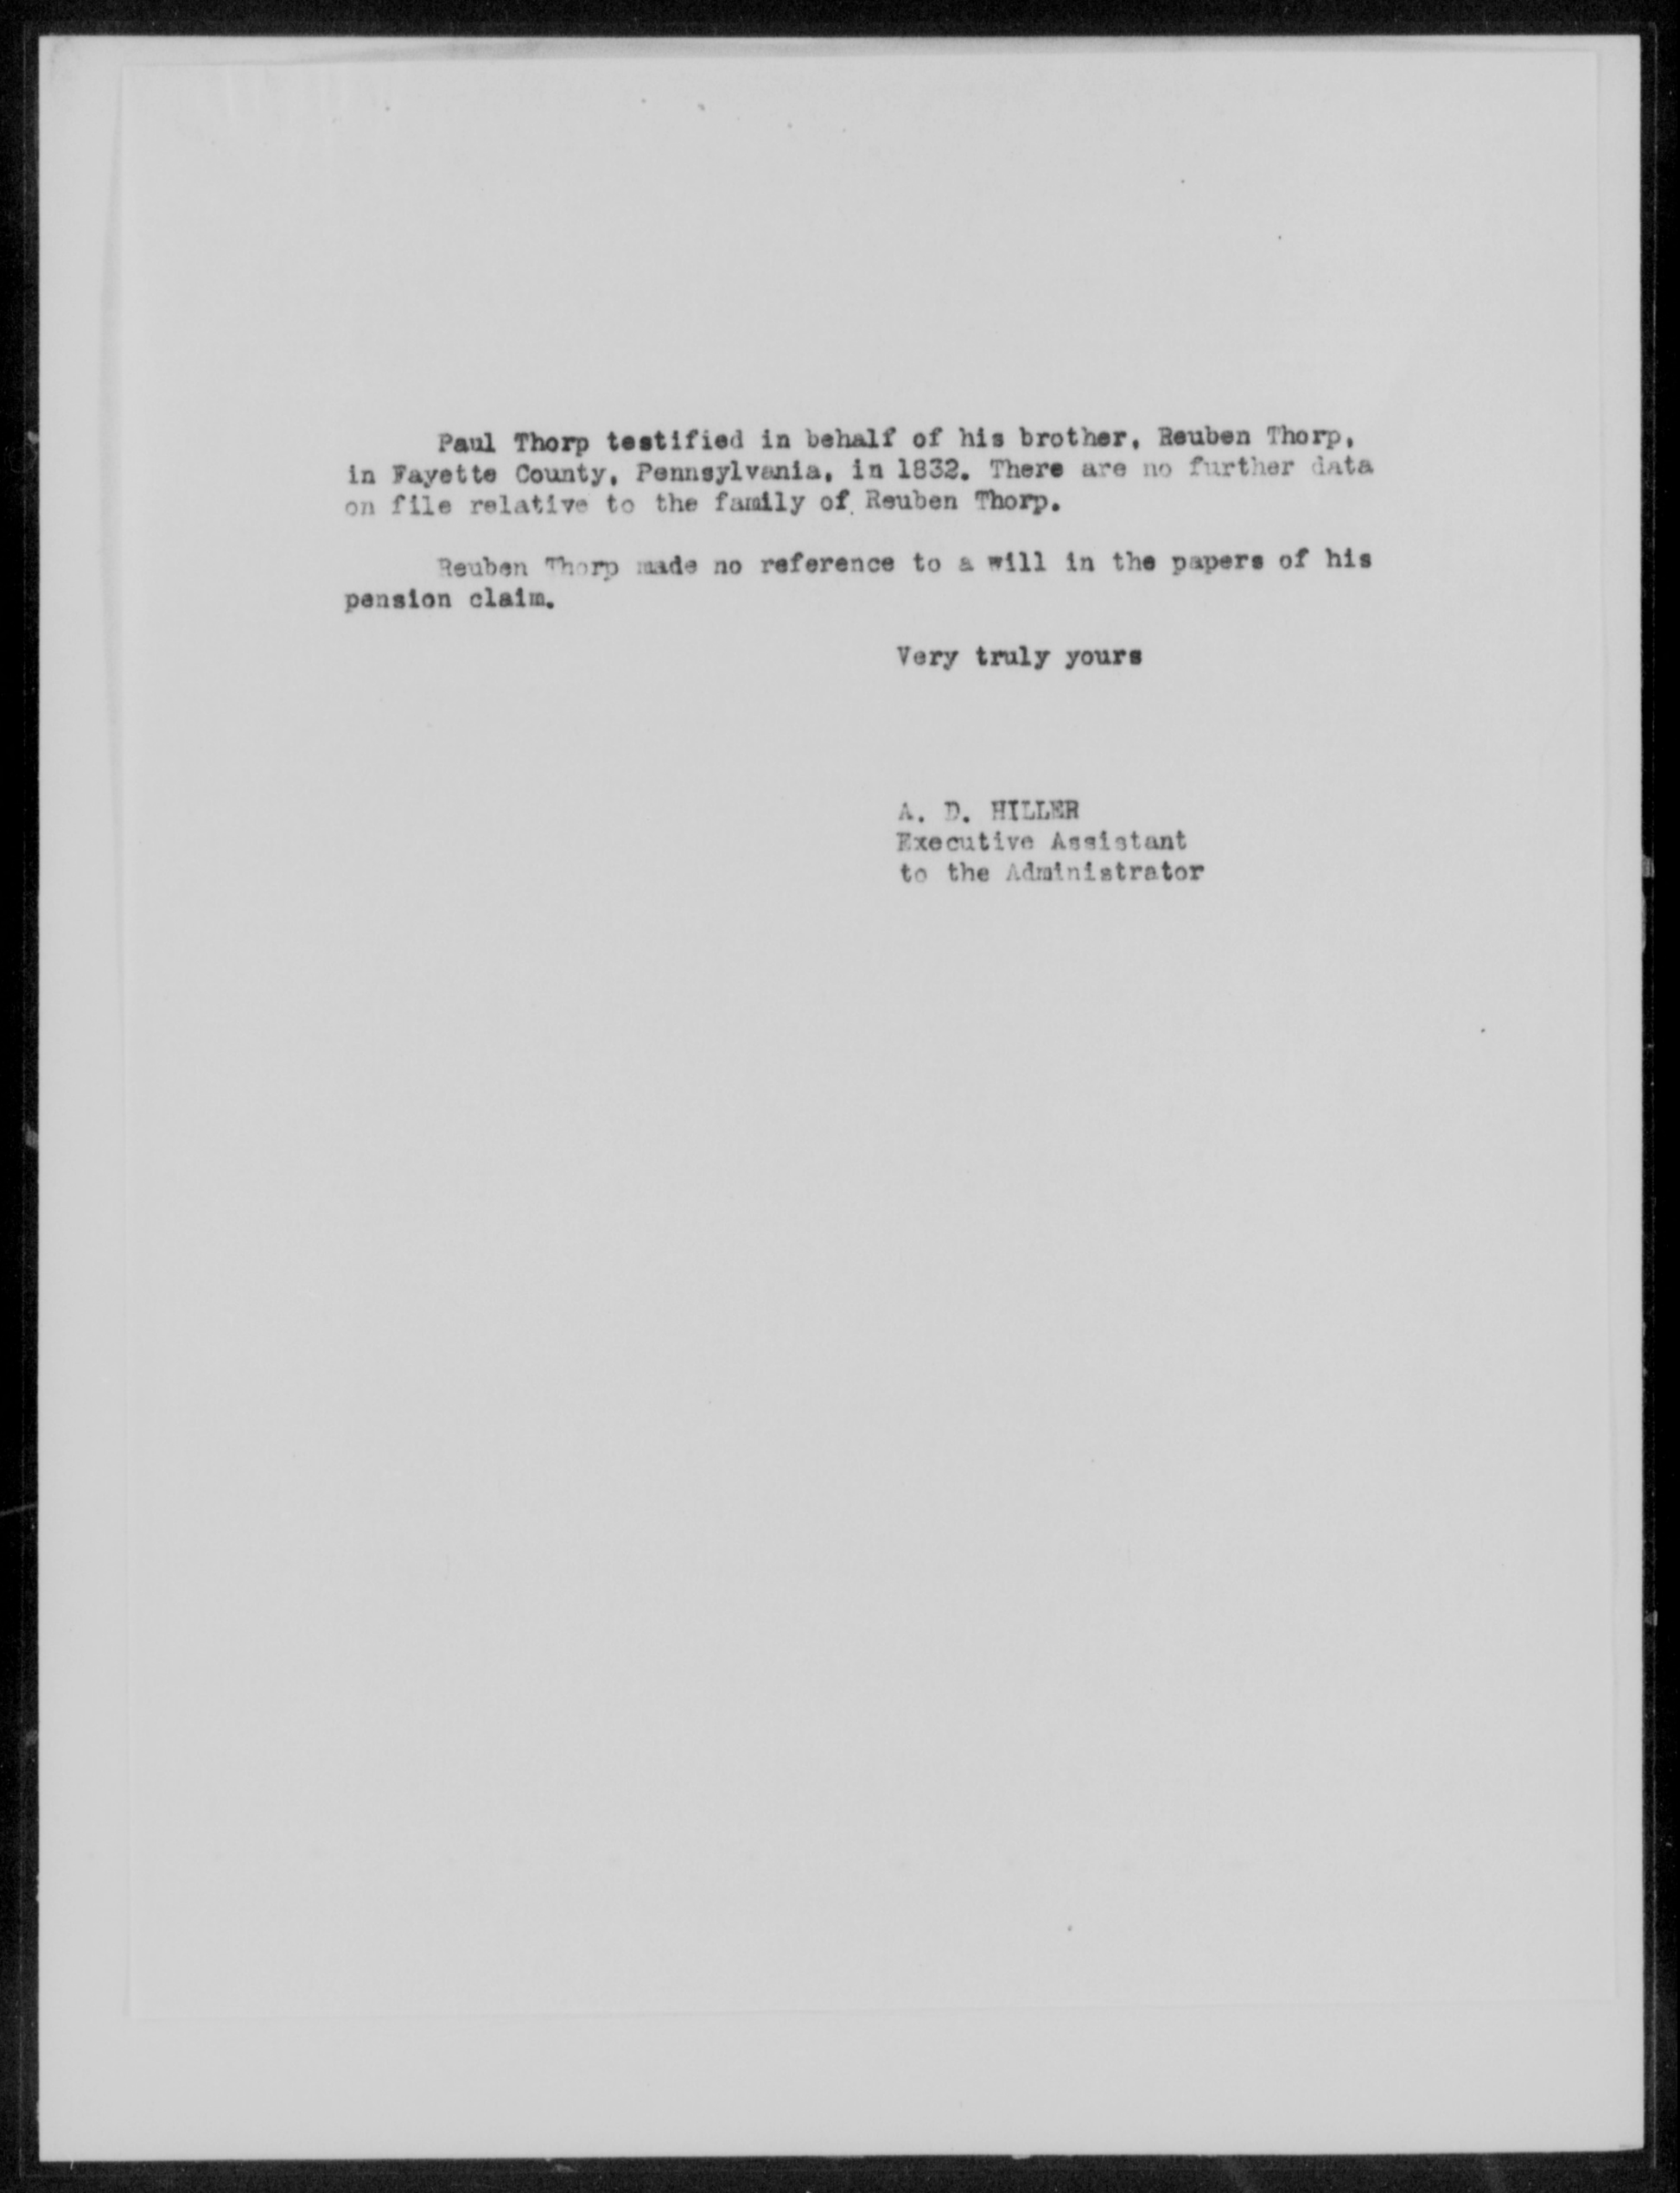Paul Thorp testified in behalf of his brother, Reuben Thorp, in Fayette County, Pennsylvania, in 1832. There are no further data on file relative to the family of Reuben Thorp.

Reuben Thorp made no reference to a will in the papers of his pension claim.

Very truly yours

A. D. HILLER
Executive Assistant
to the Administrator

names: A D Hiller; Paul Thorp; Reuben Thorp; Reuben Thorp; Reuben Thorp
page: 11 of 28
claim: survivor's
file: S. 6229, for Reuben Thorp, New Jersey